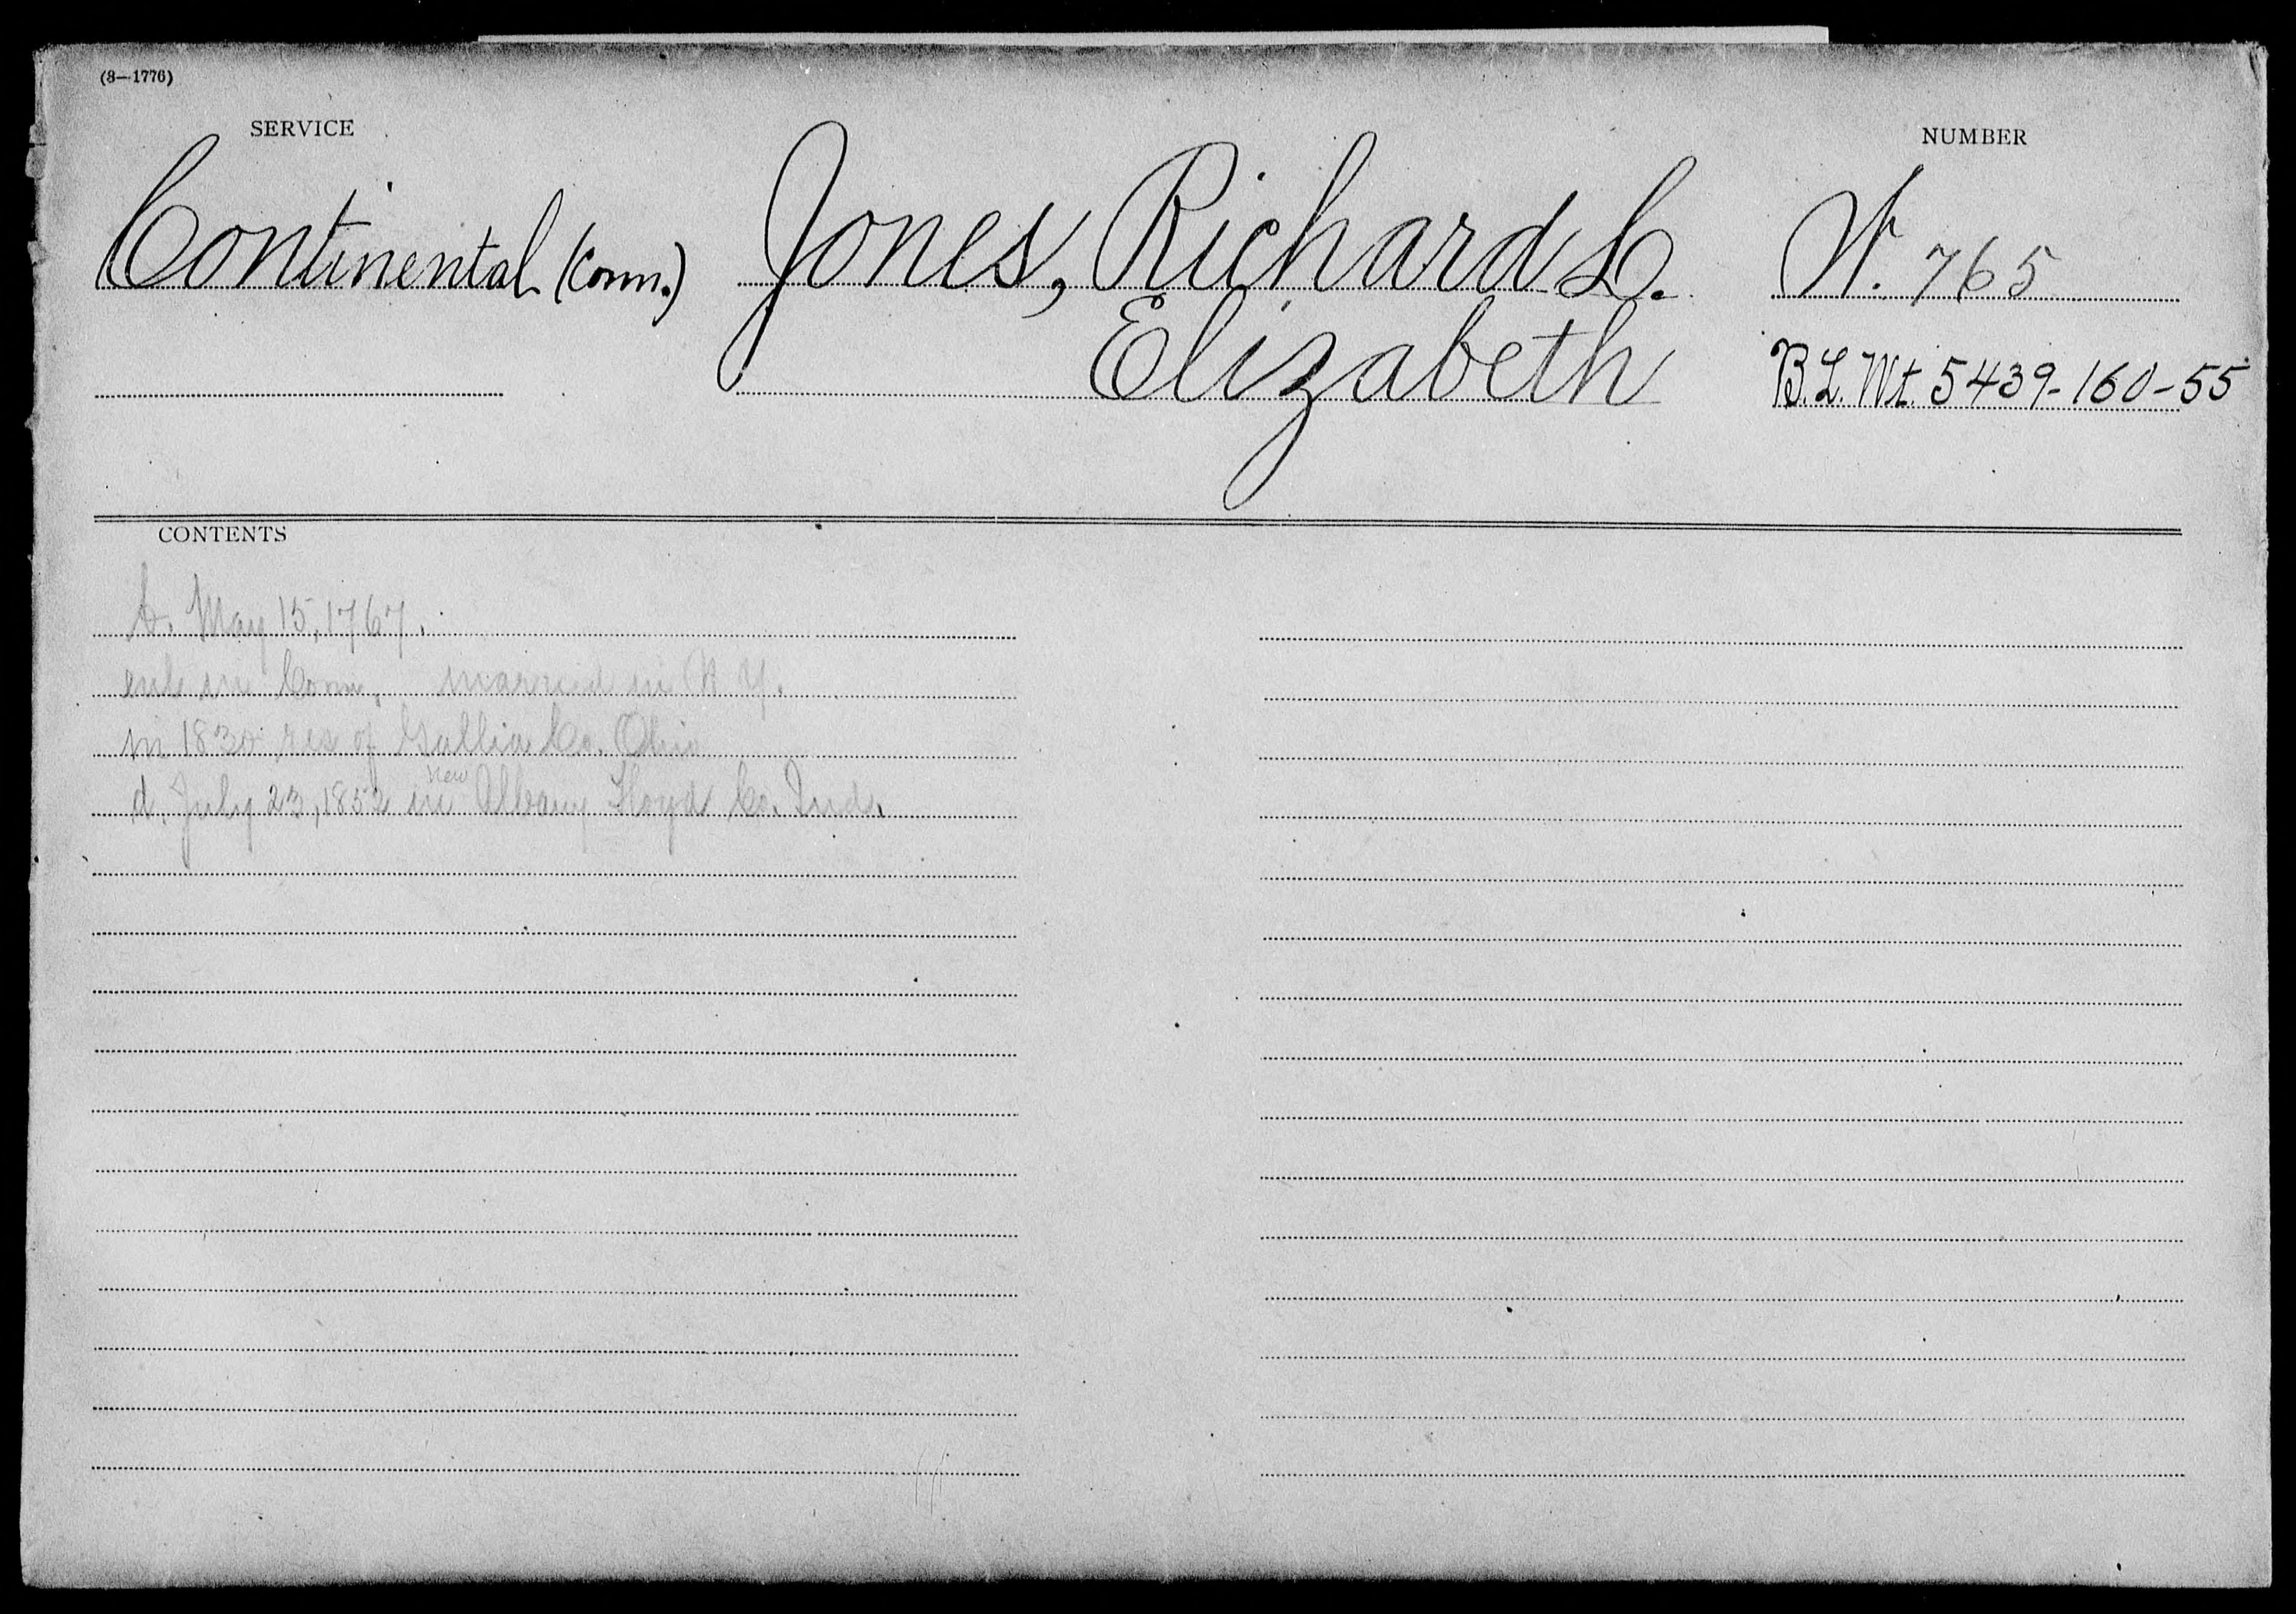(3 - 1776)
SERVICE
Continental (Conn.)
CONTENTS
b. May 15, 1767.
enl in Conn.  married  in N.Y.
in 1830 res of Gallia, Co. Ohio
d. July 23, 1852 in New Albany  Floyd Co. Ind,

Jones, Richard L.
Elizabeth
NUMBER
W. 765
B.L. Wt. 5439-160-55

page: 1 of 62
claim: widow's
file: W. 765, for Richard L Jones, Connecticut